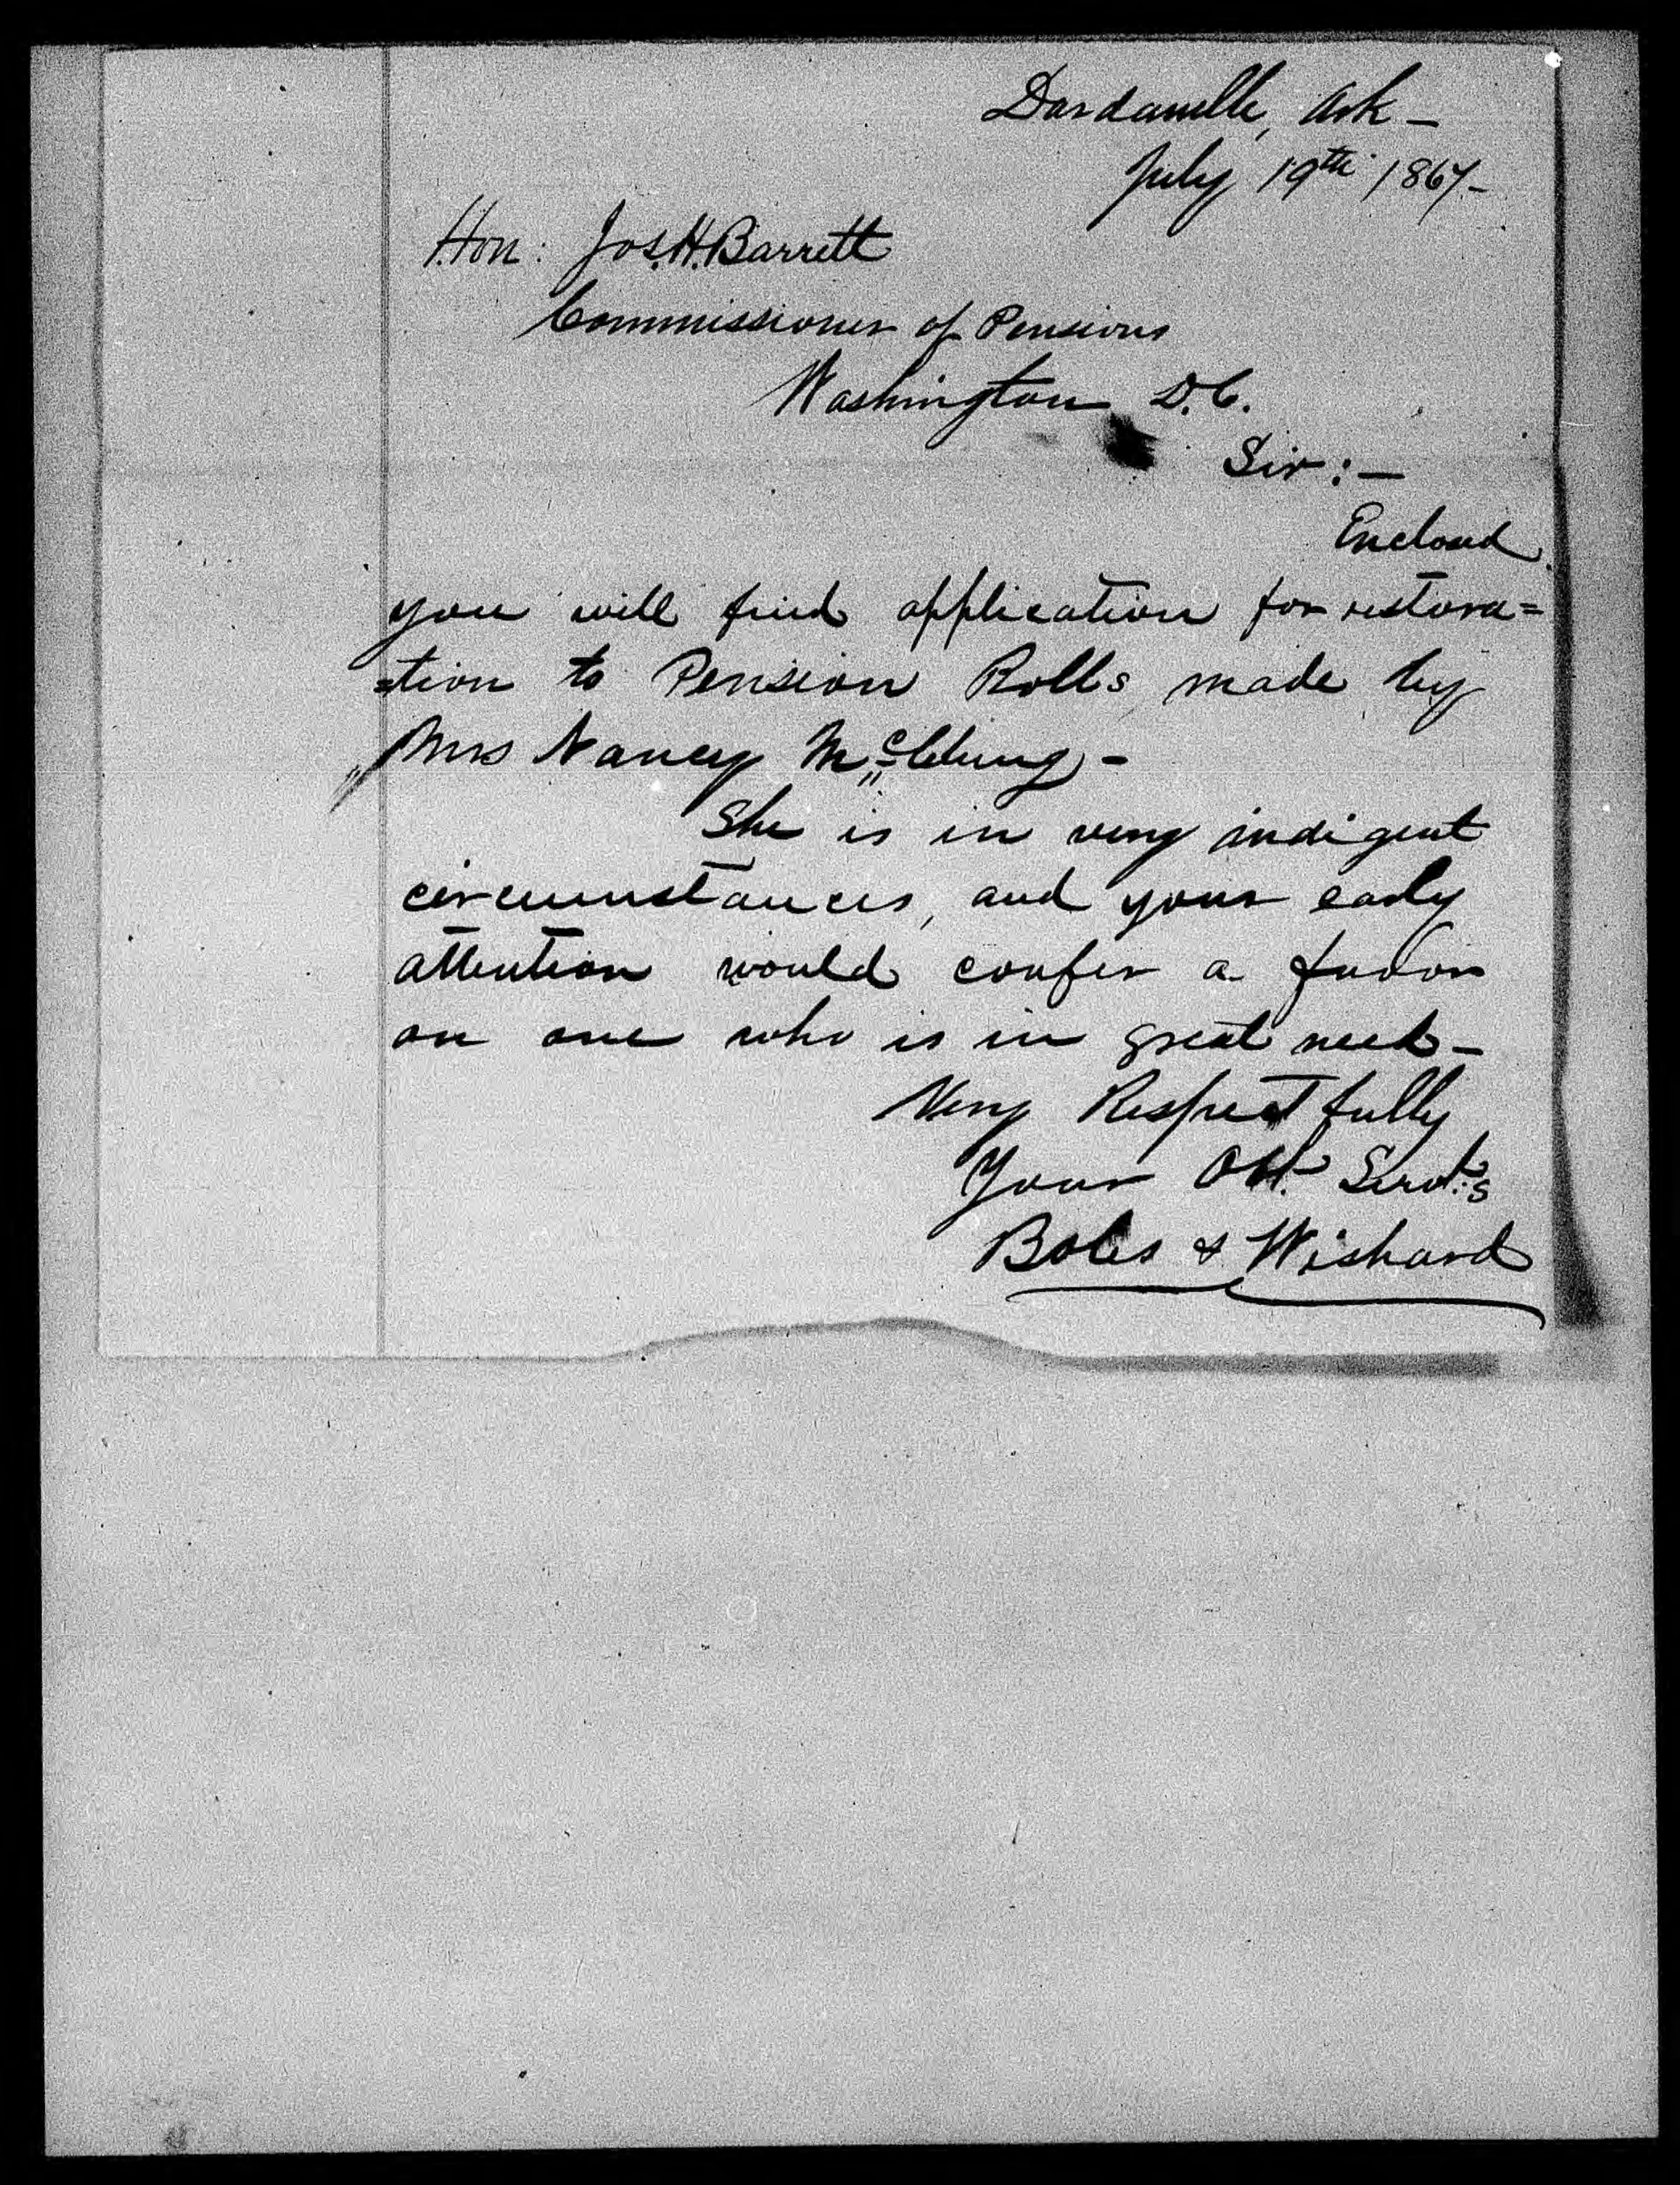Dardanelle Ark
July 19th 1867
Hon Jos. H. Barrett
Commissioner of Pensions
Washington D. C

Sir,
Enclosed you will find application for restoration to Pension Rolls made by Mrs. Nancy McClung

She is in very indigent circumstances, and your early attention would confer a favor on one who is in great need

Very Respectfully
Your Obt Servt
Boles & Wichard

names: Jos H Barrett; Nancy Mc Clung; [BLANK] Boles; [BLANK] Wishard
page: 78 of 115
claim: widow's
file: W. 1446, for John Mc Clung, South Carolina